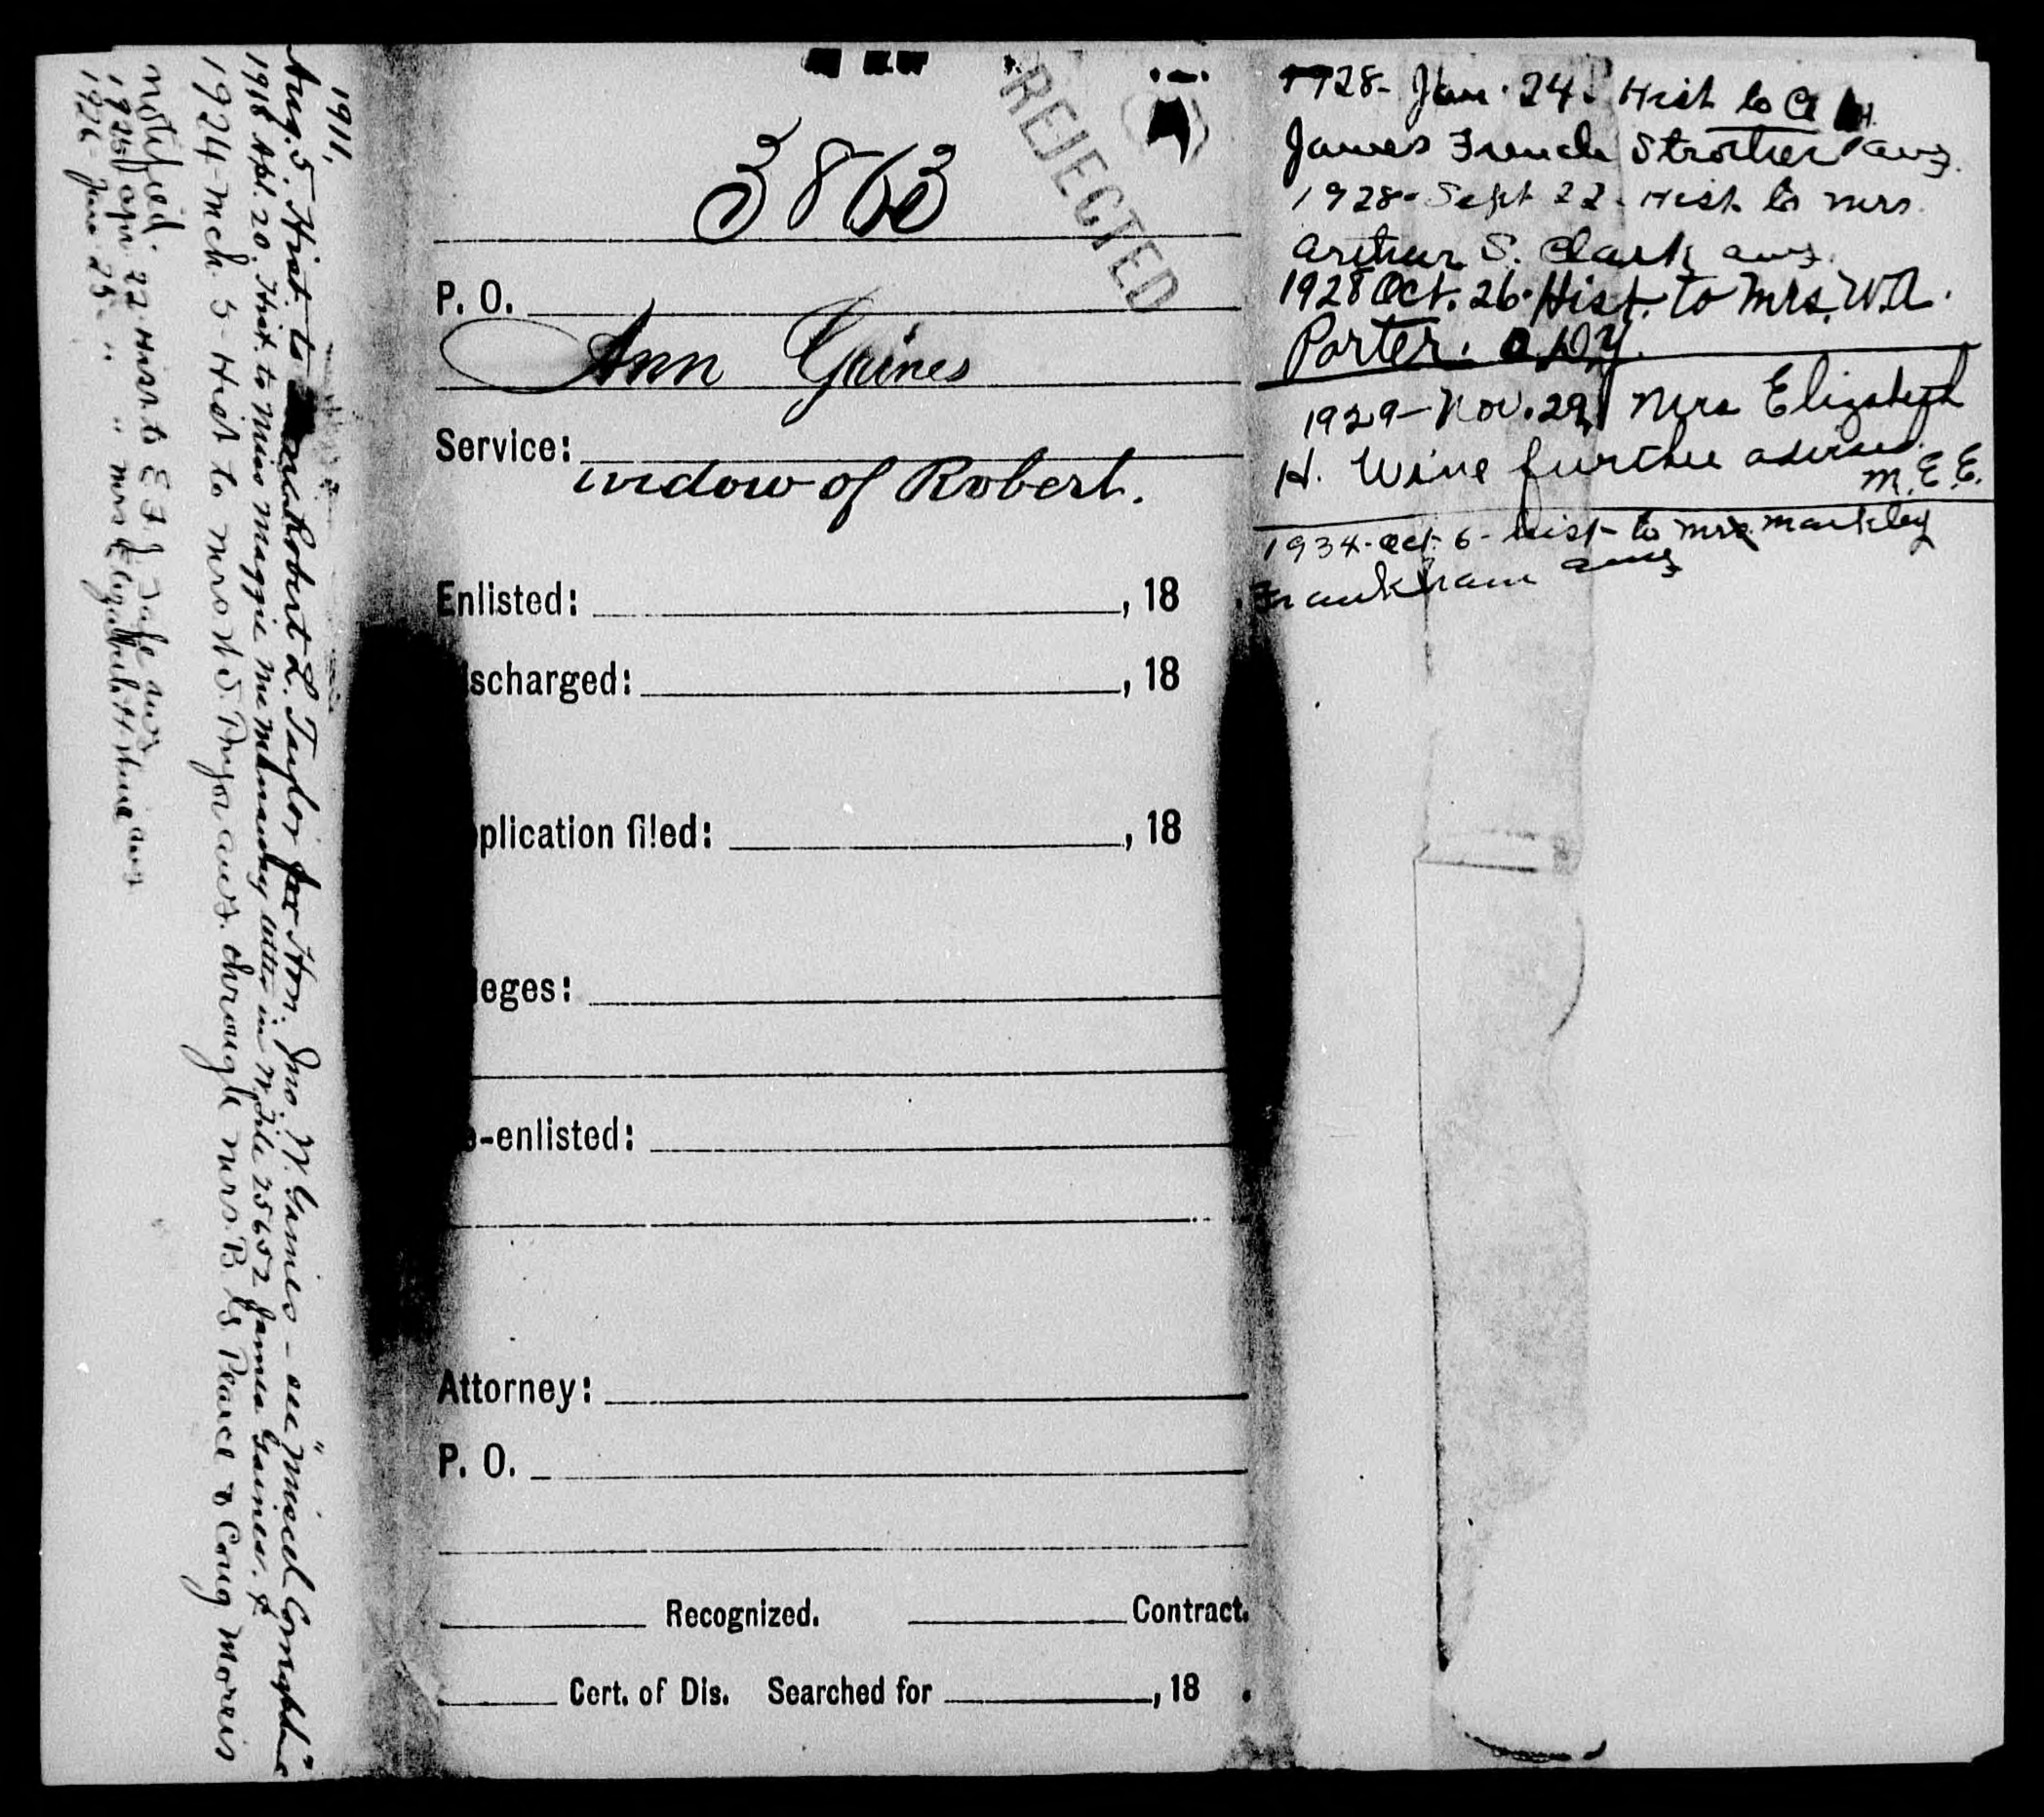[page 1]
1911
Aug.5. Hist. to Hon. Robert L. Taylor for Hon Jno. W. Gaines- see "miscel [illegible]"
1918 Apl. 20. Hist. to Miss Maggie McManaway letter in W. File 25652 James Gaines 
1924- Mch. 5- Hist. to Mrs W.S. Pryor aws. through Mrs. B.G. Pearce & Cong. Morris
notified.
1925 Apr 22- Hist to E.F.J. Tale aws.
1926- Jan 25 - " " Mrs Elizabeth Wine aws.

[page 2]
REJECTED
3863
P.O. [blank]
Ann Gaines
Service: widow of Robert.
Enlisted: [blank]
Discharged: [blank]
Application filed: [blank]
[illegible]eges: [blank]
[illegible]enlisted: [blank]
Attorney: [blank]
P. O. [blank]
[blank] Recognized. [blank] Contract.
[blank] Cert. of Dis. Searched for _____, 18[blank].

[page 3]
1928- Jan 24 Hist to C H.
James French Strother aws.
1928- Sept 22 Hist to Mrs.
Arthur S. Clark aws.
1928 Oct. 26. Hist. to Mrs. W.A.
Porter. A.D.Y.
1929- Nov. 29, Mrs Elizabeth
H. Wine further advises. M.E.E.
1934- Oct. 6- Hist to Mrs Markley
Frankham aws.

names: Markley, Cong Morris, James French Strother, B G Pearce, Elizabeth H Wine, Arthur S Clark, Jno W Gaines, W A Porter, Ann Gaines, Robert L Taylor, James Gaines, Robert Gaines, W S Pryor, Maggie Mc Manaway, Elizabeth H Wine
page: 54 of 79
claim: rejected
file: R. 3863, Robert Gaines, Va.